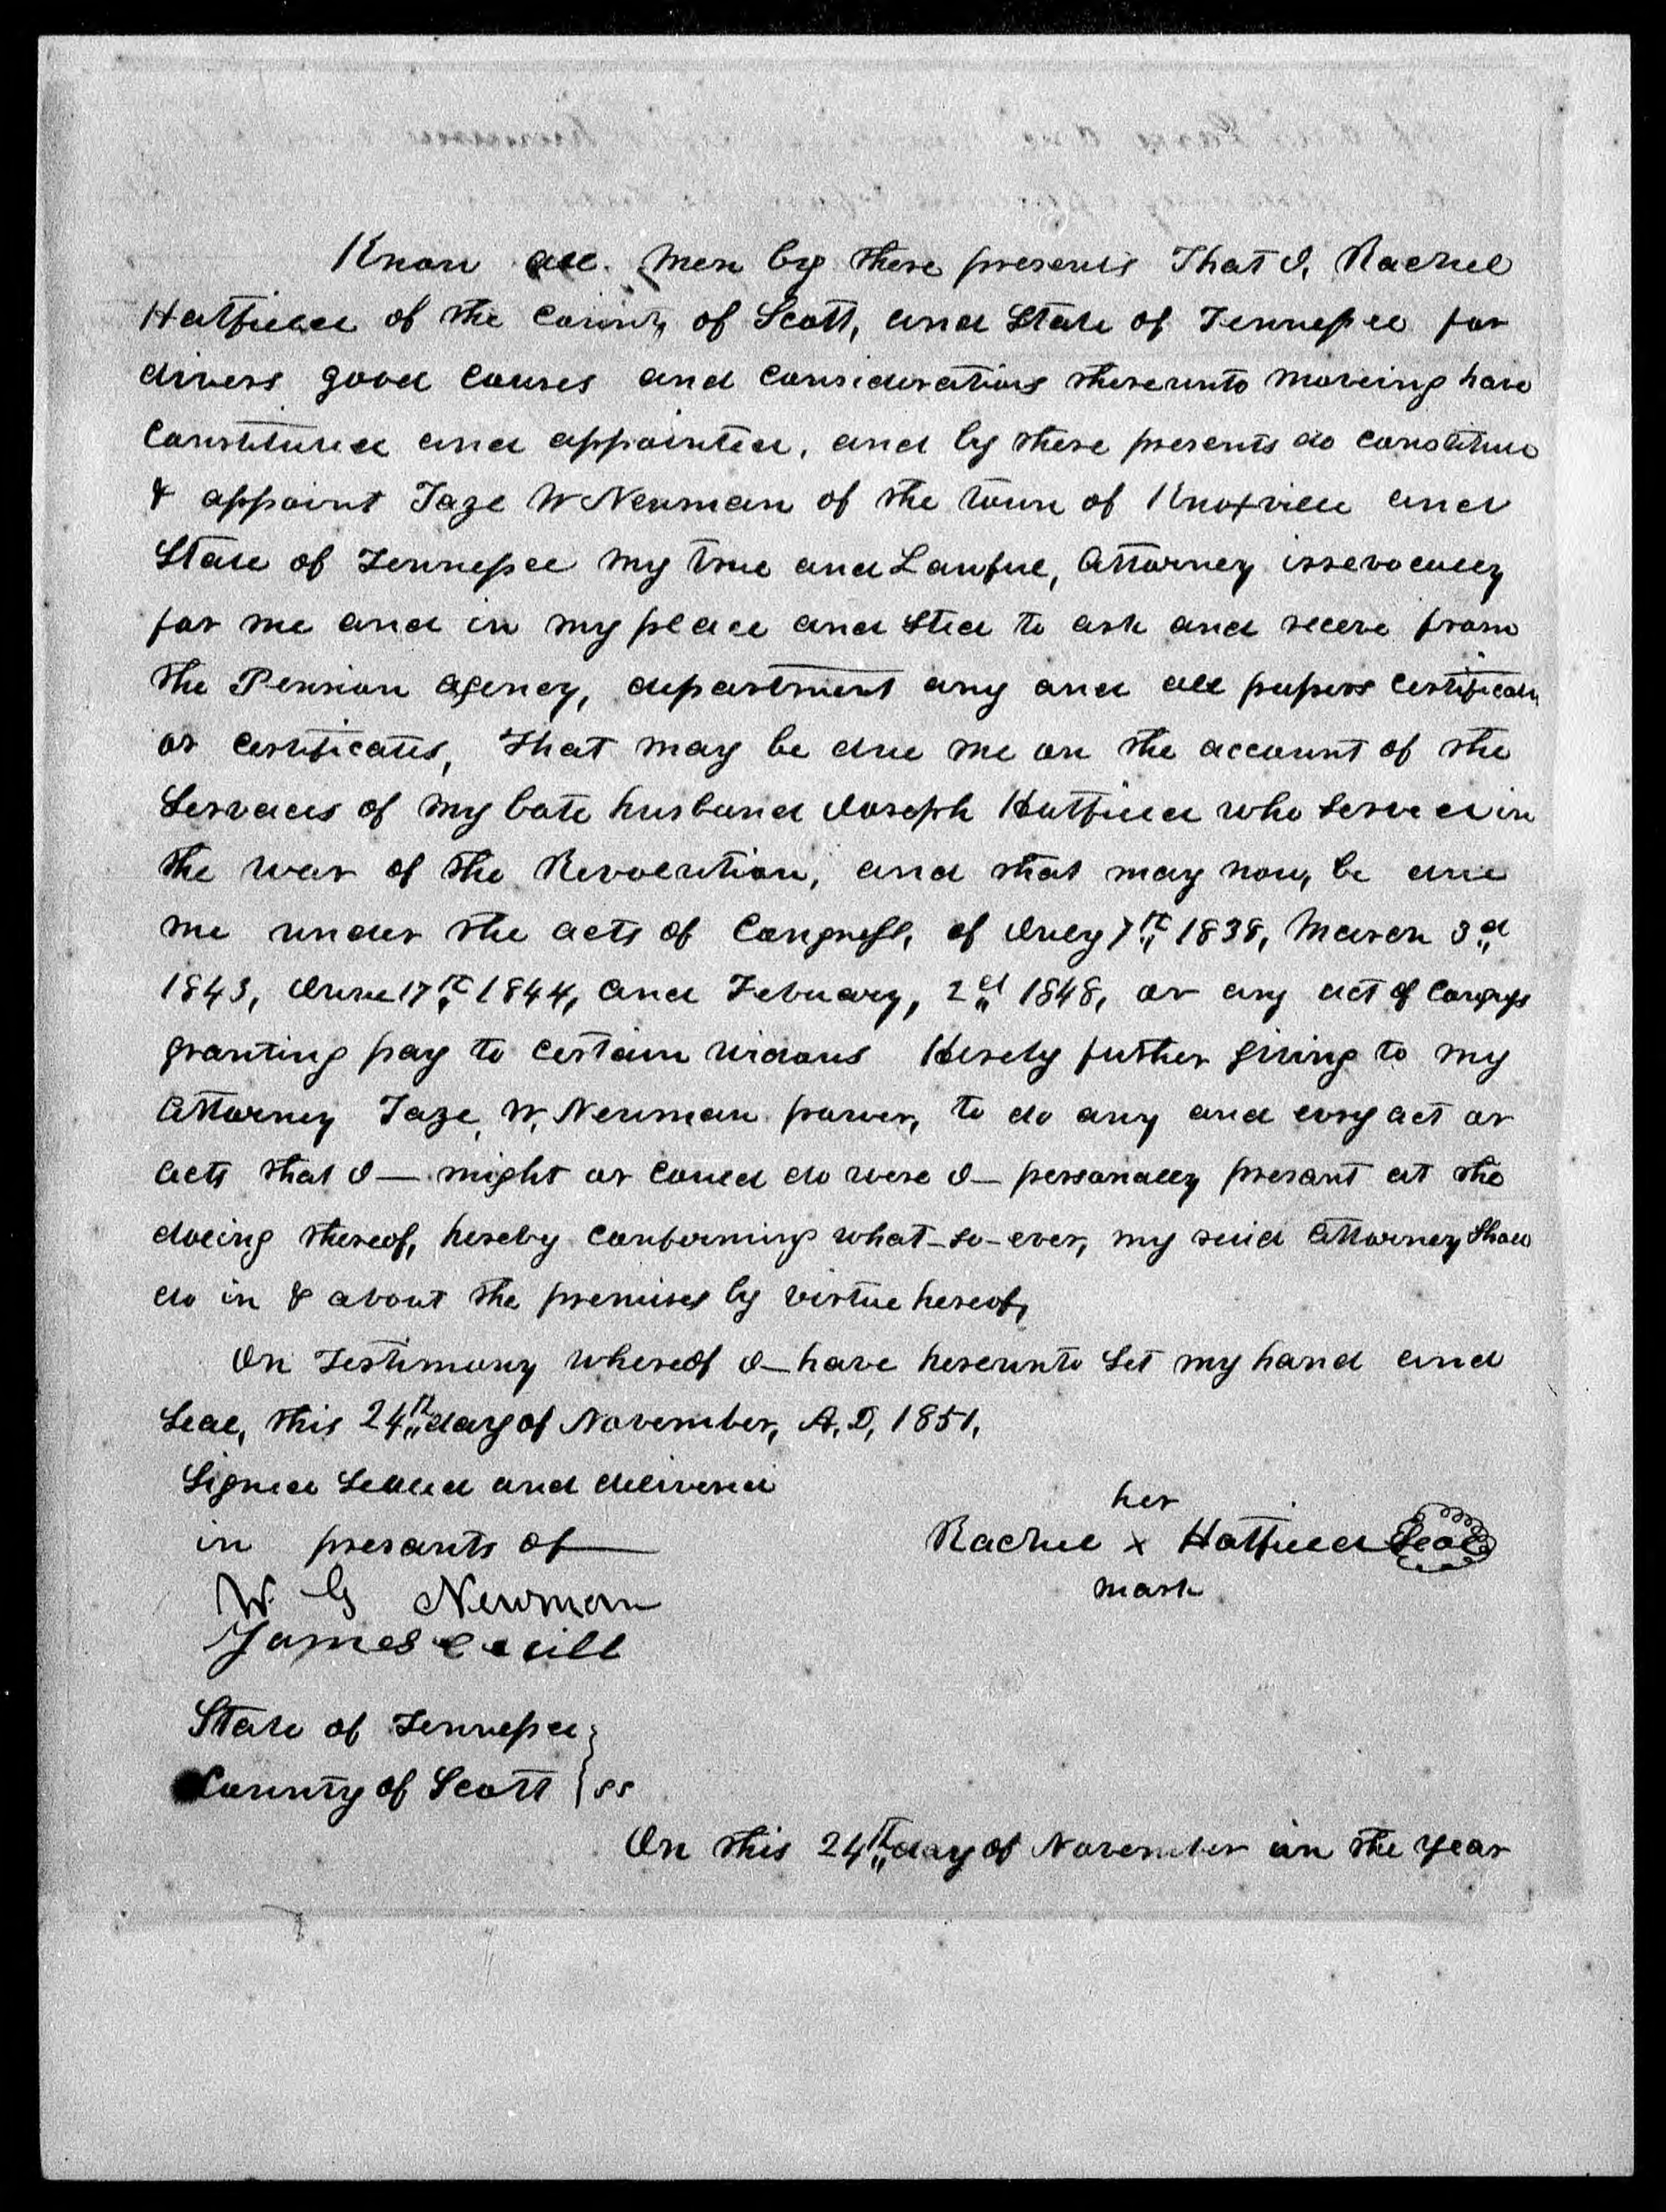Know all Men by these presents that I, Rachel Hatfield of the County of Scott, and State of Tennessee for drivers good causes and considerations thereunto moving have Constituted and appointed, and by these presents do constitute & appoint Taze W Neman of the town of Knoxville and State of Tennessee my true and Lawful, Attorney irrevocably for me and in my place and sted to ask and receive from the Pension Agency, department any and all papers Certificate or Certificates, That may be due me on the account of the Services of my late husband Joseph Hatfield who served in the War of the Revolution, and that may now, be due me under the Acts of Congress, of July 7th, 1838, March 3d 1843, June 17th, 1844, and February, 2d 1848, or any Act of Congress granting pay to certain widows Hereby further giving to my Attorney Taze, W, Newman power, to do any and every act or Acts that I - might or could do were I - personally present at the doing thereof, conferring what-so-ever, my said Attorney Shall do in & about the premises by virtue hereof
In Testimony Whereof I have hereunto set my hand and Seal, this 24th day of November, A,D, 1851.
Signed Sealed and delivered
in presents of Rachel Hatfield x her mark {seal}
W. G Newman
James Ewill
State of Tennessee}
County of Scott} ss
On this 24th day of November in the year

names: James Cecill, W G Newman, Rachel Hatfield, Rachel Hatfield, Taze W Newman, Taze W Newman, Joseph Hatfield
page: 49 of 74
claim: widow's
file: W. 5, Joseph Hatfield, Va.